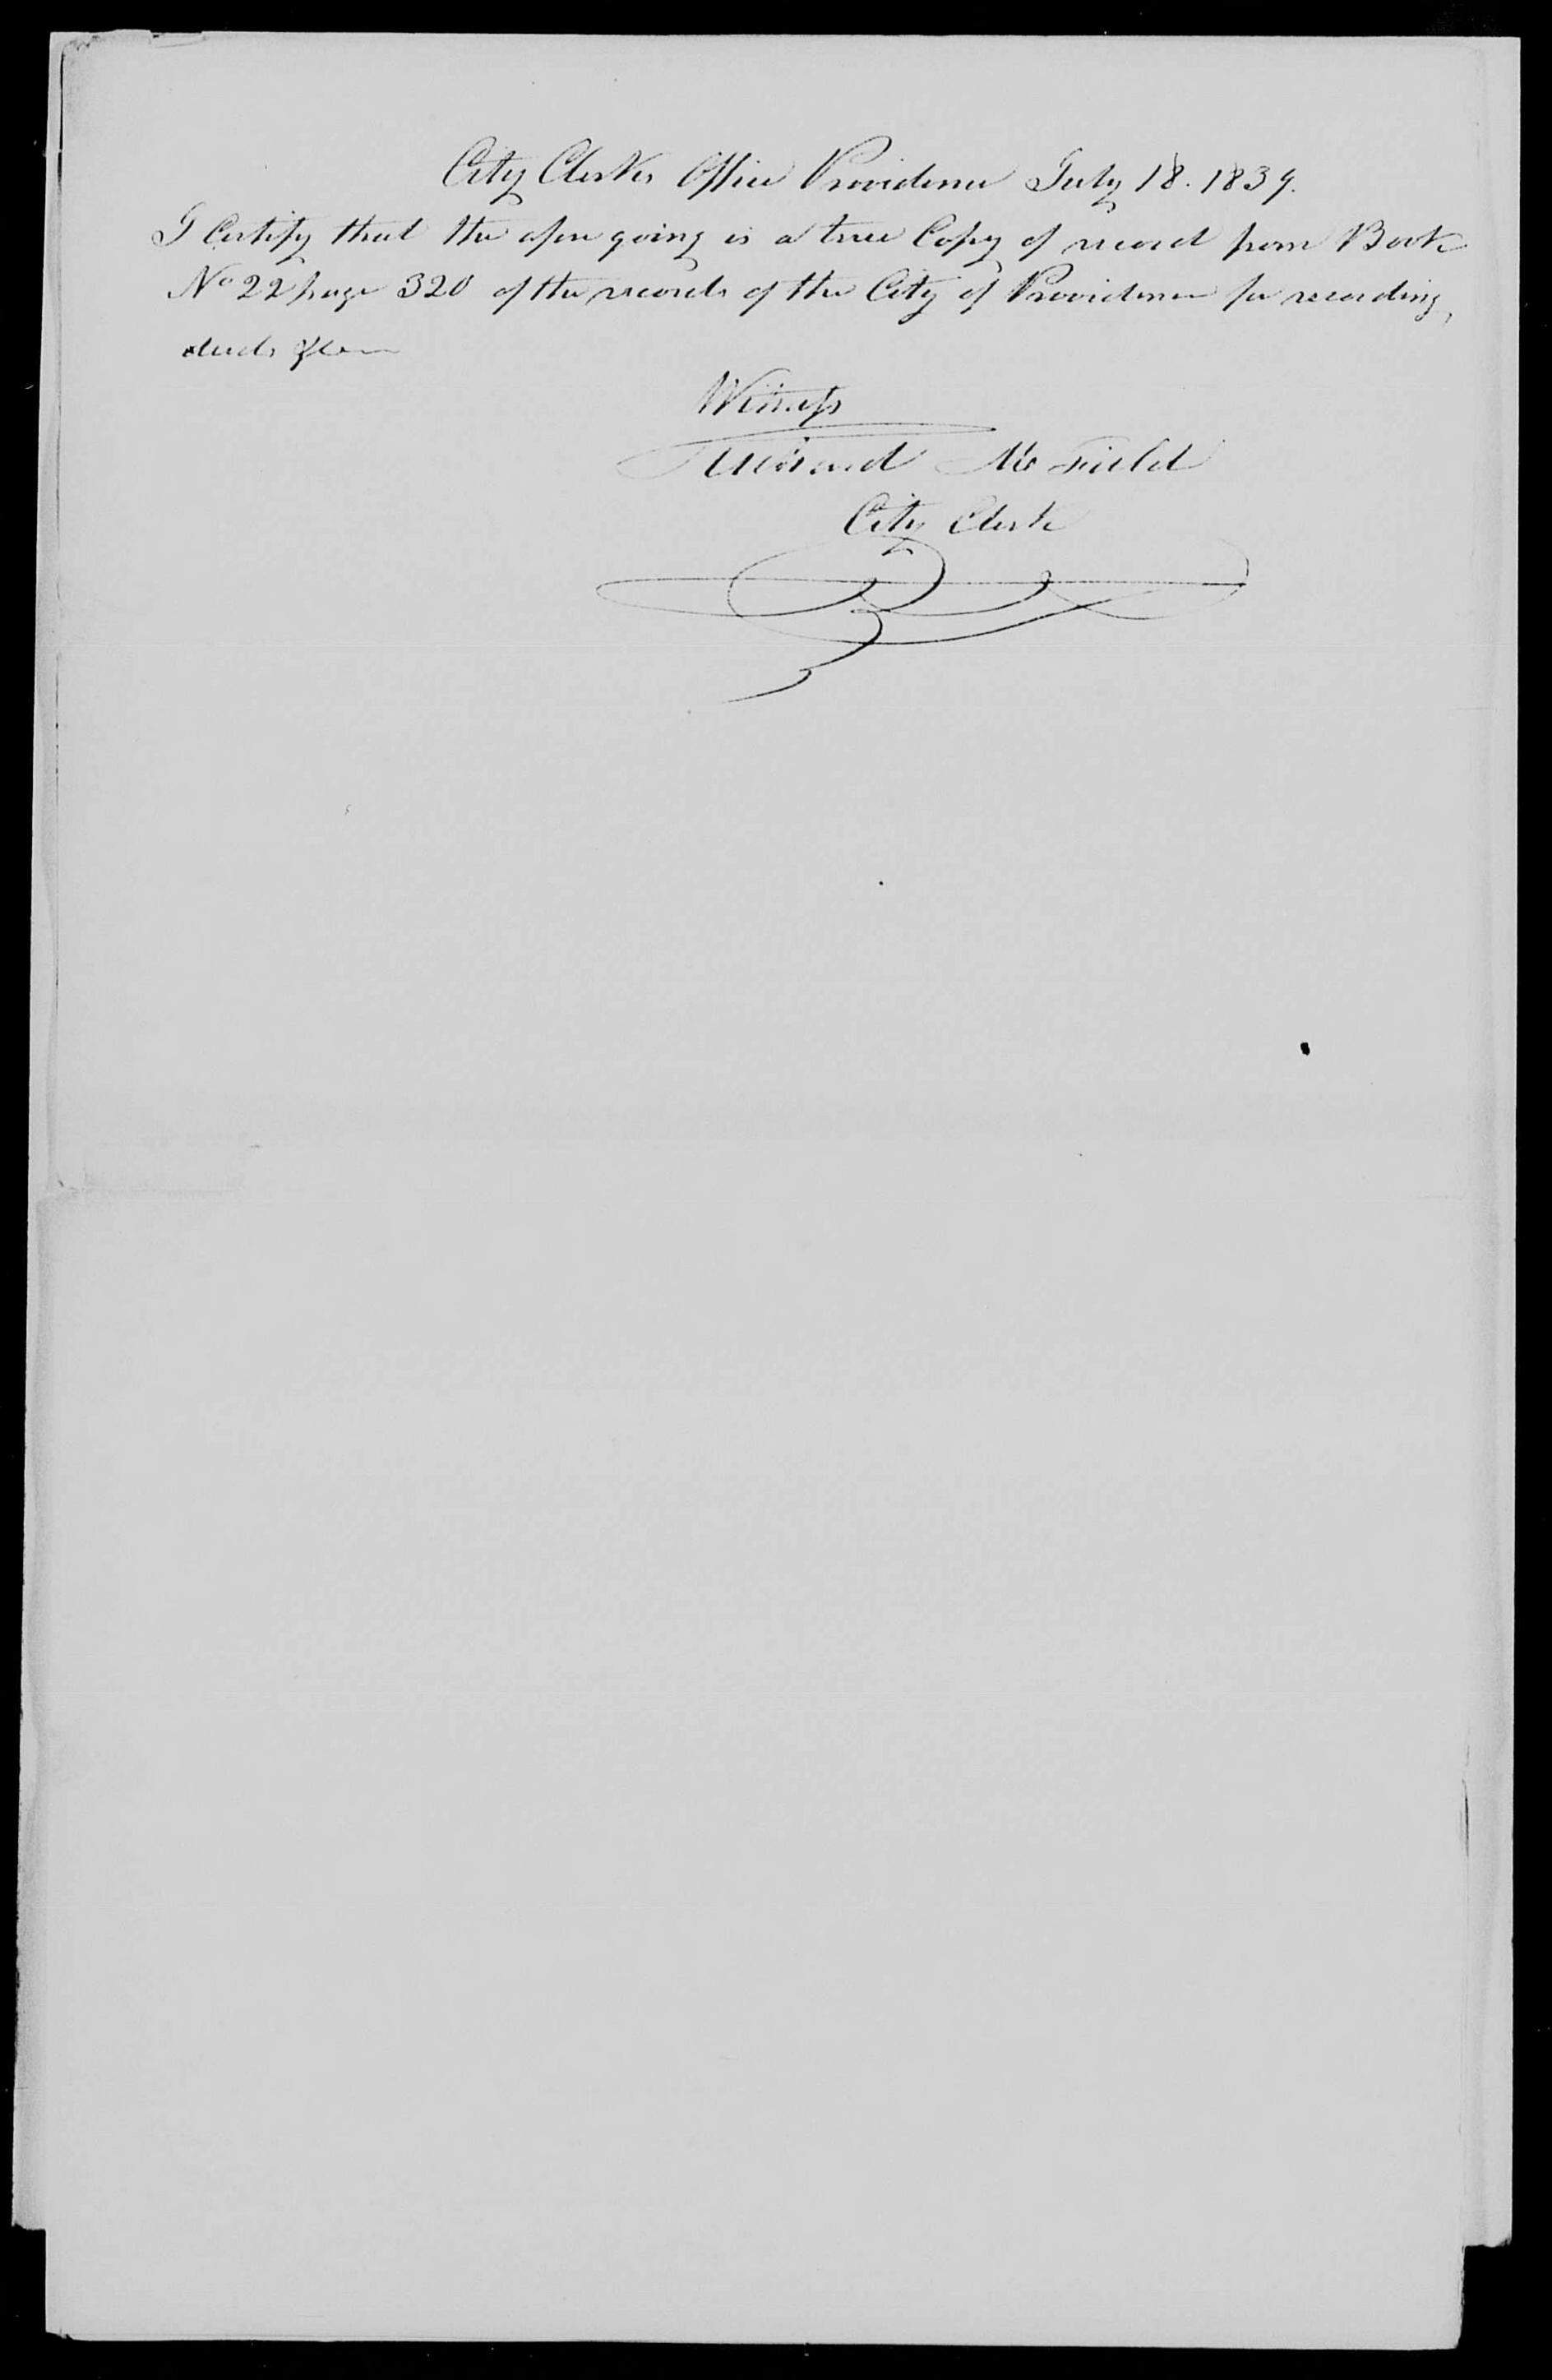City Clerks Office Providence July 18. 1839
I certify that the afore going is a true Copy of record from Book No 22 page 320 of the records of the City of Providence for recording, 
deeds office

Witness
Richard M Field
City Clerk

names: Richard M Field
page: 16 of 31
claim: widow's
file: W 21004, Samuel Drown, R.I.